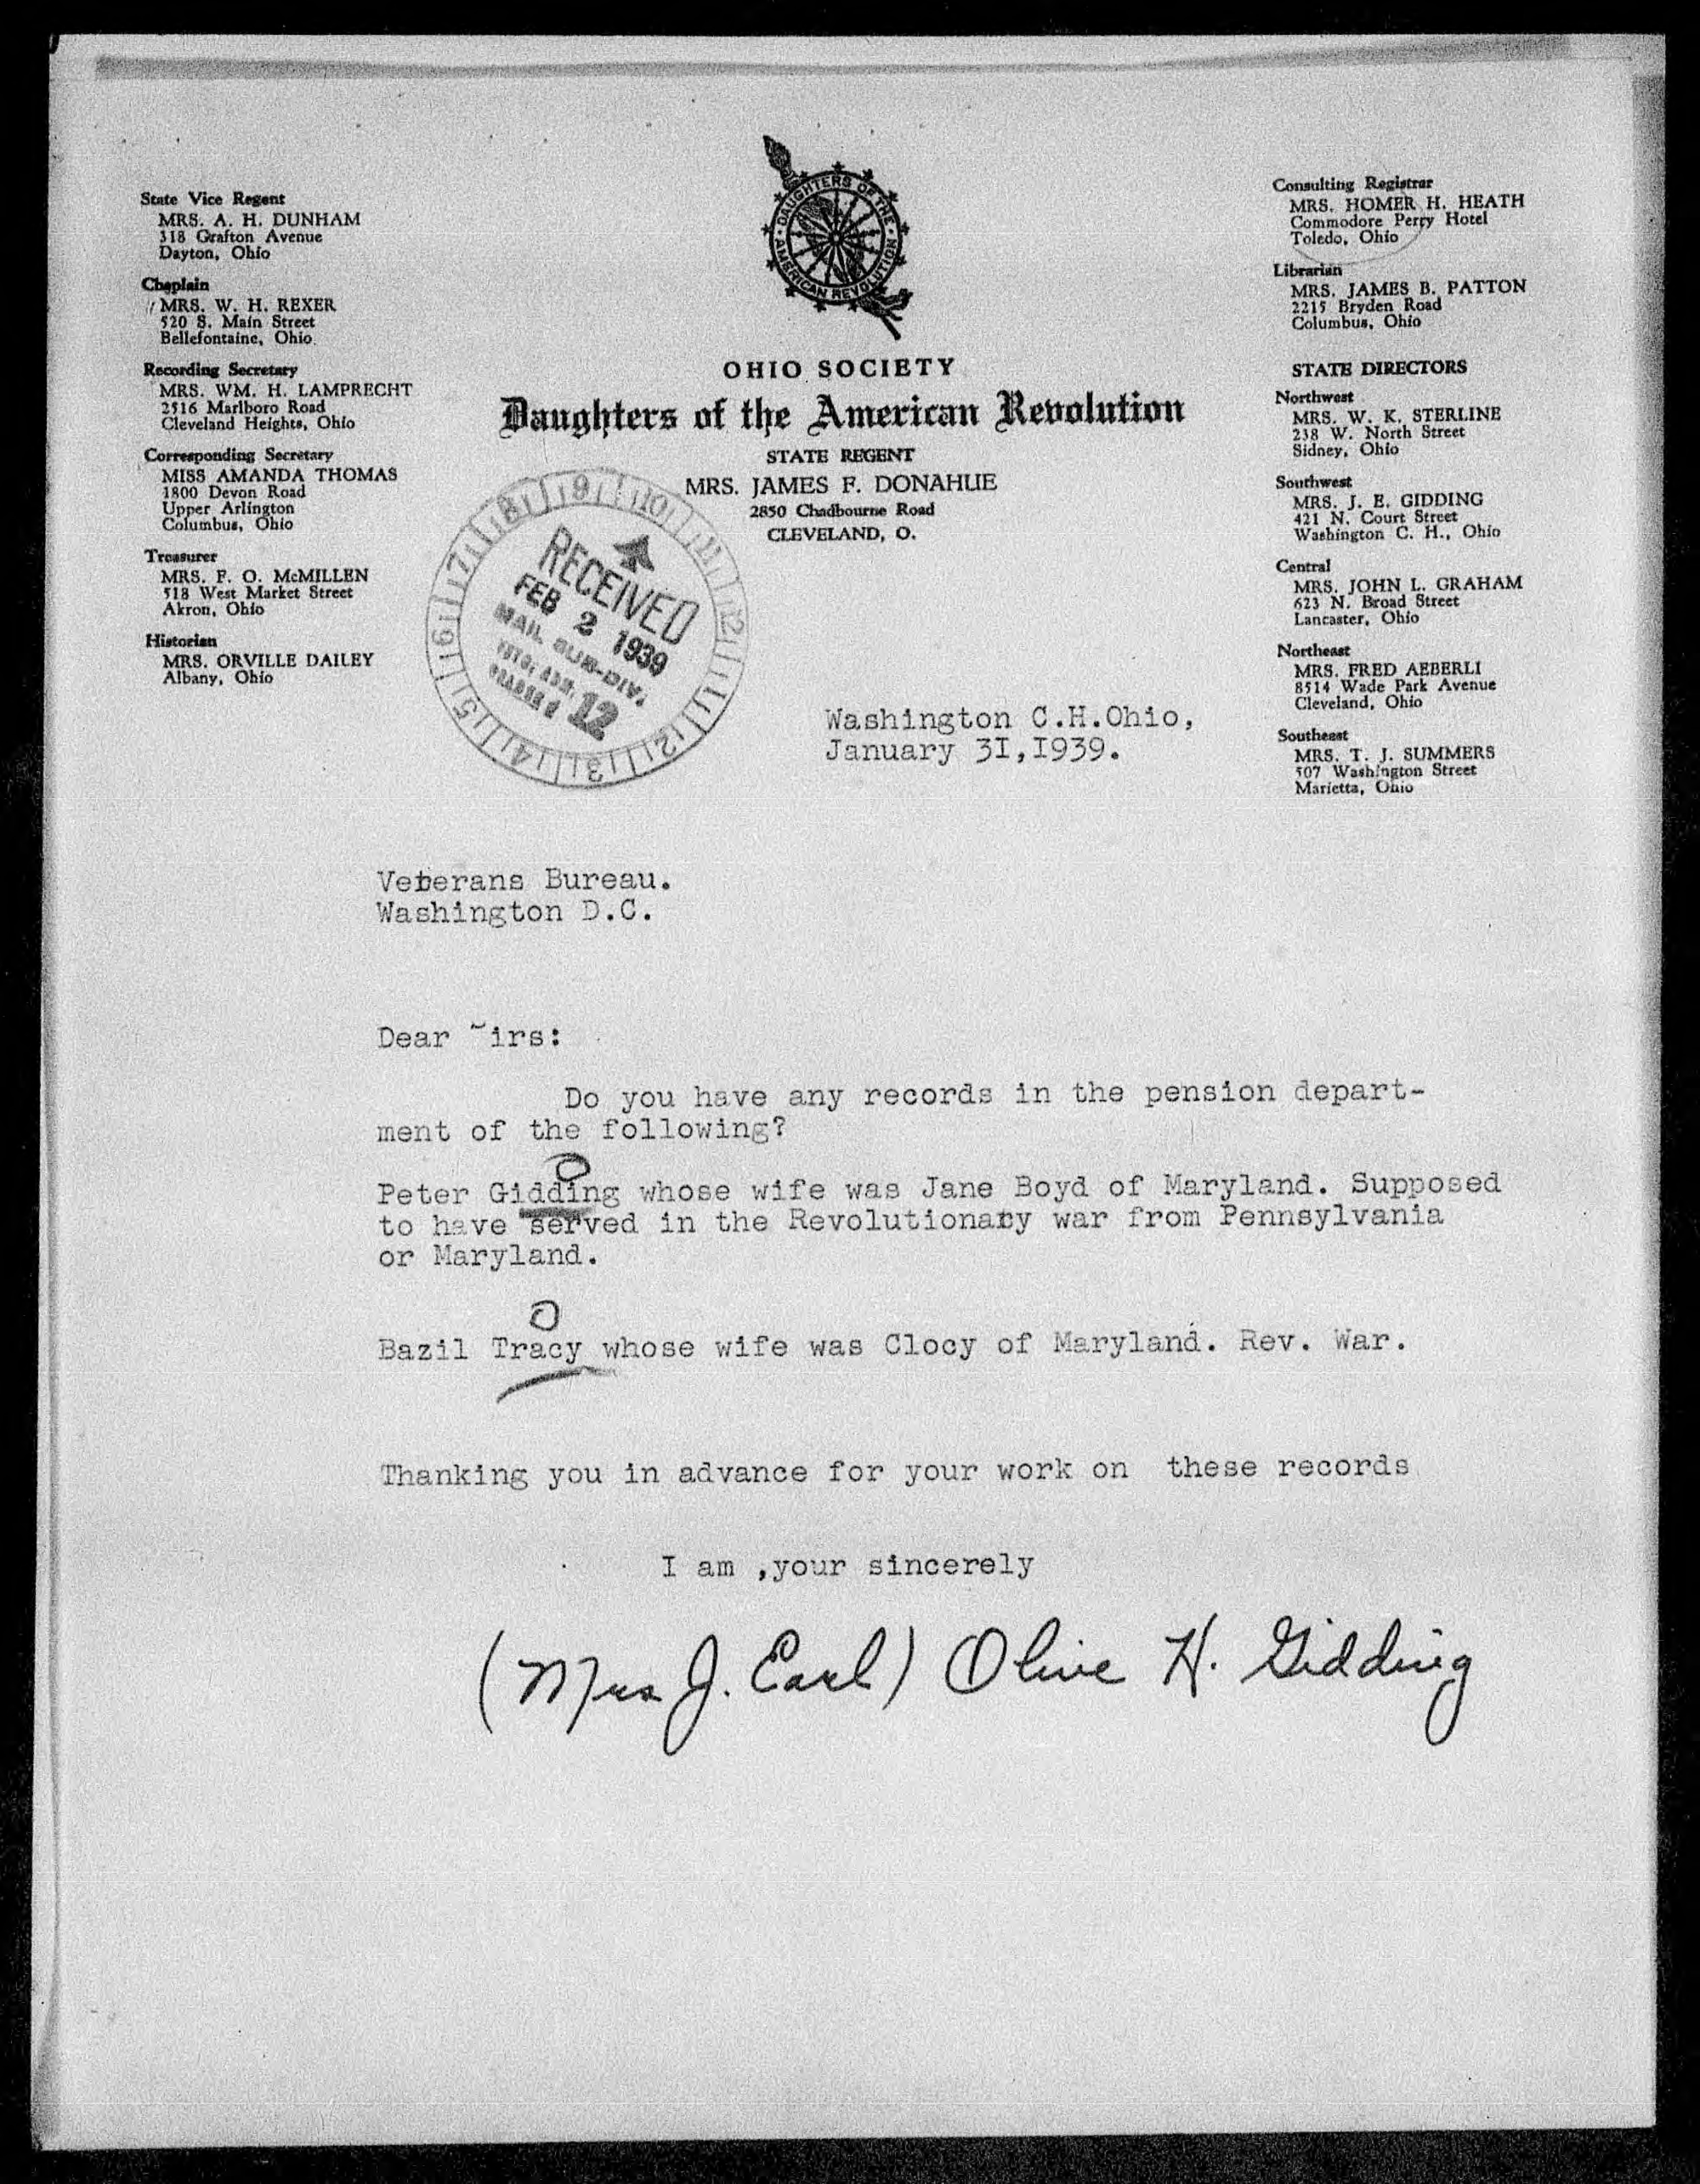OHIO SOCIETY
Daughters of the American Revolution
STATE REGENT
MRS.JAMES F. DONAHUE
2880 Chadbourne Road
Cleveland OH

State Vice Regent
MRS. A. H. DUNHAM
318 Grafton Avenue
Dayton, Ohio

Chaplain
MRS. W. H. REXER
S. Main Street
Bellefontaine, Ohio

Recording Secretary
MRS. WM. H. LAMPRECHT
2816 Marlboro Road
Cleveland Heights, Ohio

Corresponding Secretary
MISS AMANDA THOMAS
1800 Devon Road
Upper Arlington
Columbus, Ohio

Treasurer
MRS. F. O. McMILLEN
18 West Market Street
Akron, Ohio

Historian
MRS. ORVILLE DAILEY
Albany, Ohio

Consulting Registrar
MRS. HOMER H. HEATH
Commodore Perry Hotel
Toledo, Ohio

Librarian
MRS. JAMES B. PATTON
2215 Bryden Road
Columbus, Ohio

STATE DIRECTORS
Northwest
MRS. W. K. STERLINE
238 W. North Street
Sidney, Ohio

Southwest
MRS. J. E. GIDDING
421 N. Court Street
Washington C. H., Ohio

Central
MRS. JOHN L. GRAHAM
523 N. Broad Street
Lancaster, Ohio
Northeast

MRS. FRED AEBERLI
8514 Wade Park Avenue
Cleveland, Ohio

Southeast
MRS. T. J. SUMMERS
307 Washington Street
Marietta, Ohio

[stamped received Feb 2 1939]

Washington C. H. Ohio,
January 31, 1939.

Veterans Bureau.
Washington D.C.

Dear Sirs:

Do you have any records in the pension department of the following
Peter Gidding  [handwritten o over Gidding] whose wife was Jane Boyd of Maryland. Supposed to have served in the Revolutionary war from Pennsylvania
or Maryland.

Bazil Tracy  [handwritten o over Tracy] whose wife was Clocy of Maryland, Rev. War.

Thanking you in advance for your work on these records
posed
I am, your sincerely
(Mrs J. Earl) Olive H. Gidding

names: Bazil Tracy, J Earl Gidding, Olive H Gidding, A H Dunham, T J Summers, Homer H Heath, James B Patton, James F Donahue, W H Rexer, Amanda Thomas, Orville Dailey, Peter Gidding, Clocy, Jane Boyd, J E Gidding, Wm H Lamprecht, John L Graham, F O Mc Millen, Fred Aeberli, W K Sterline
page: 46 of 64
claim: survivor's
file: S. 6887, Peter Gideon, Md.